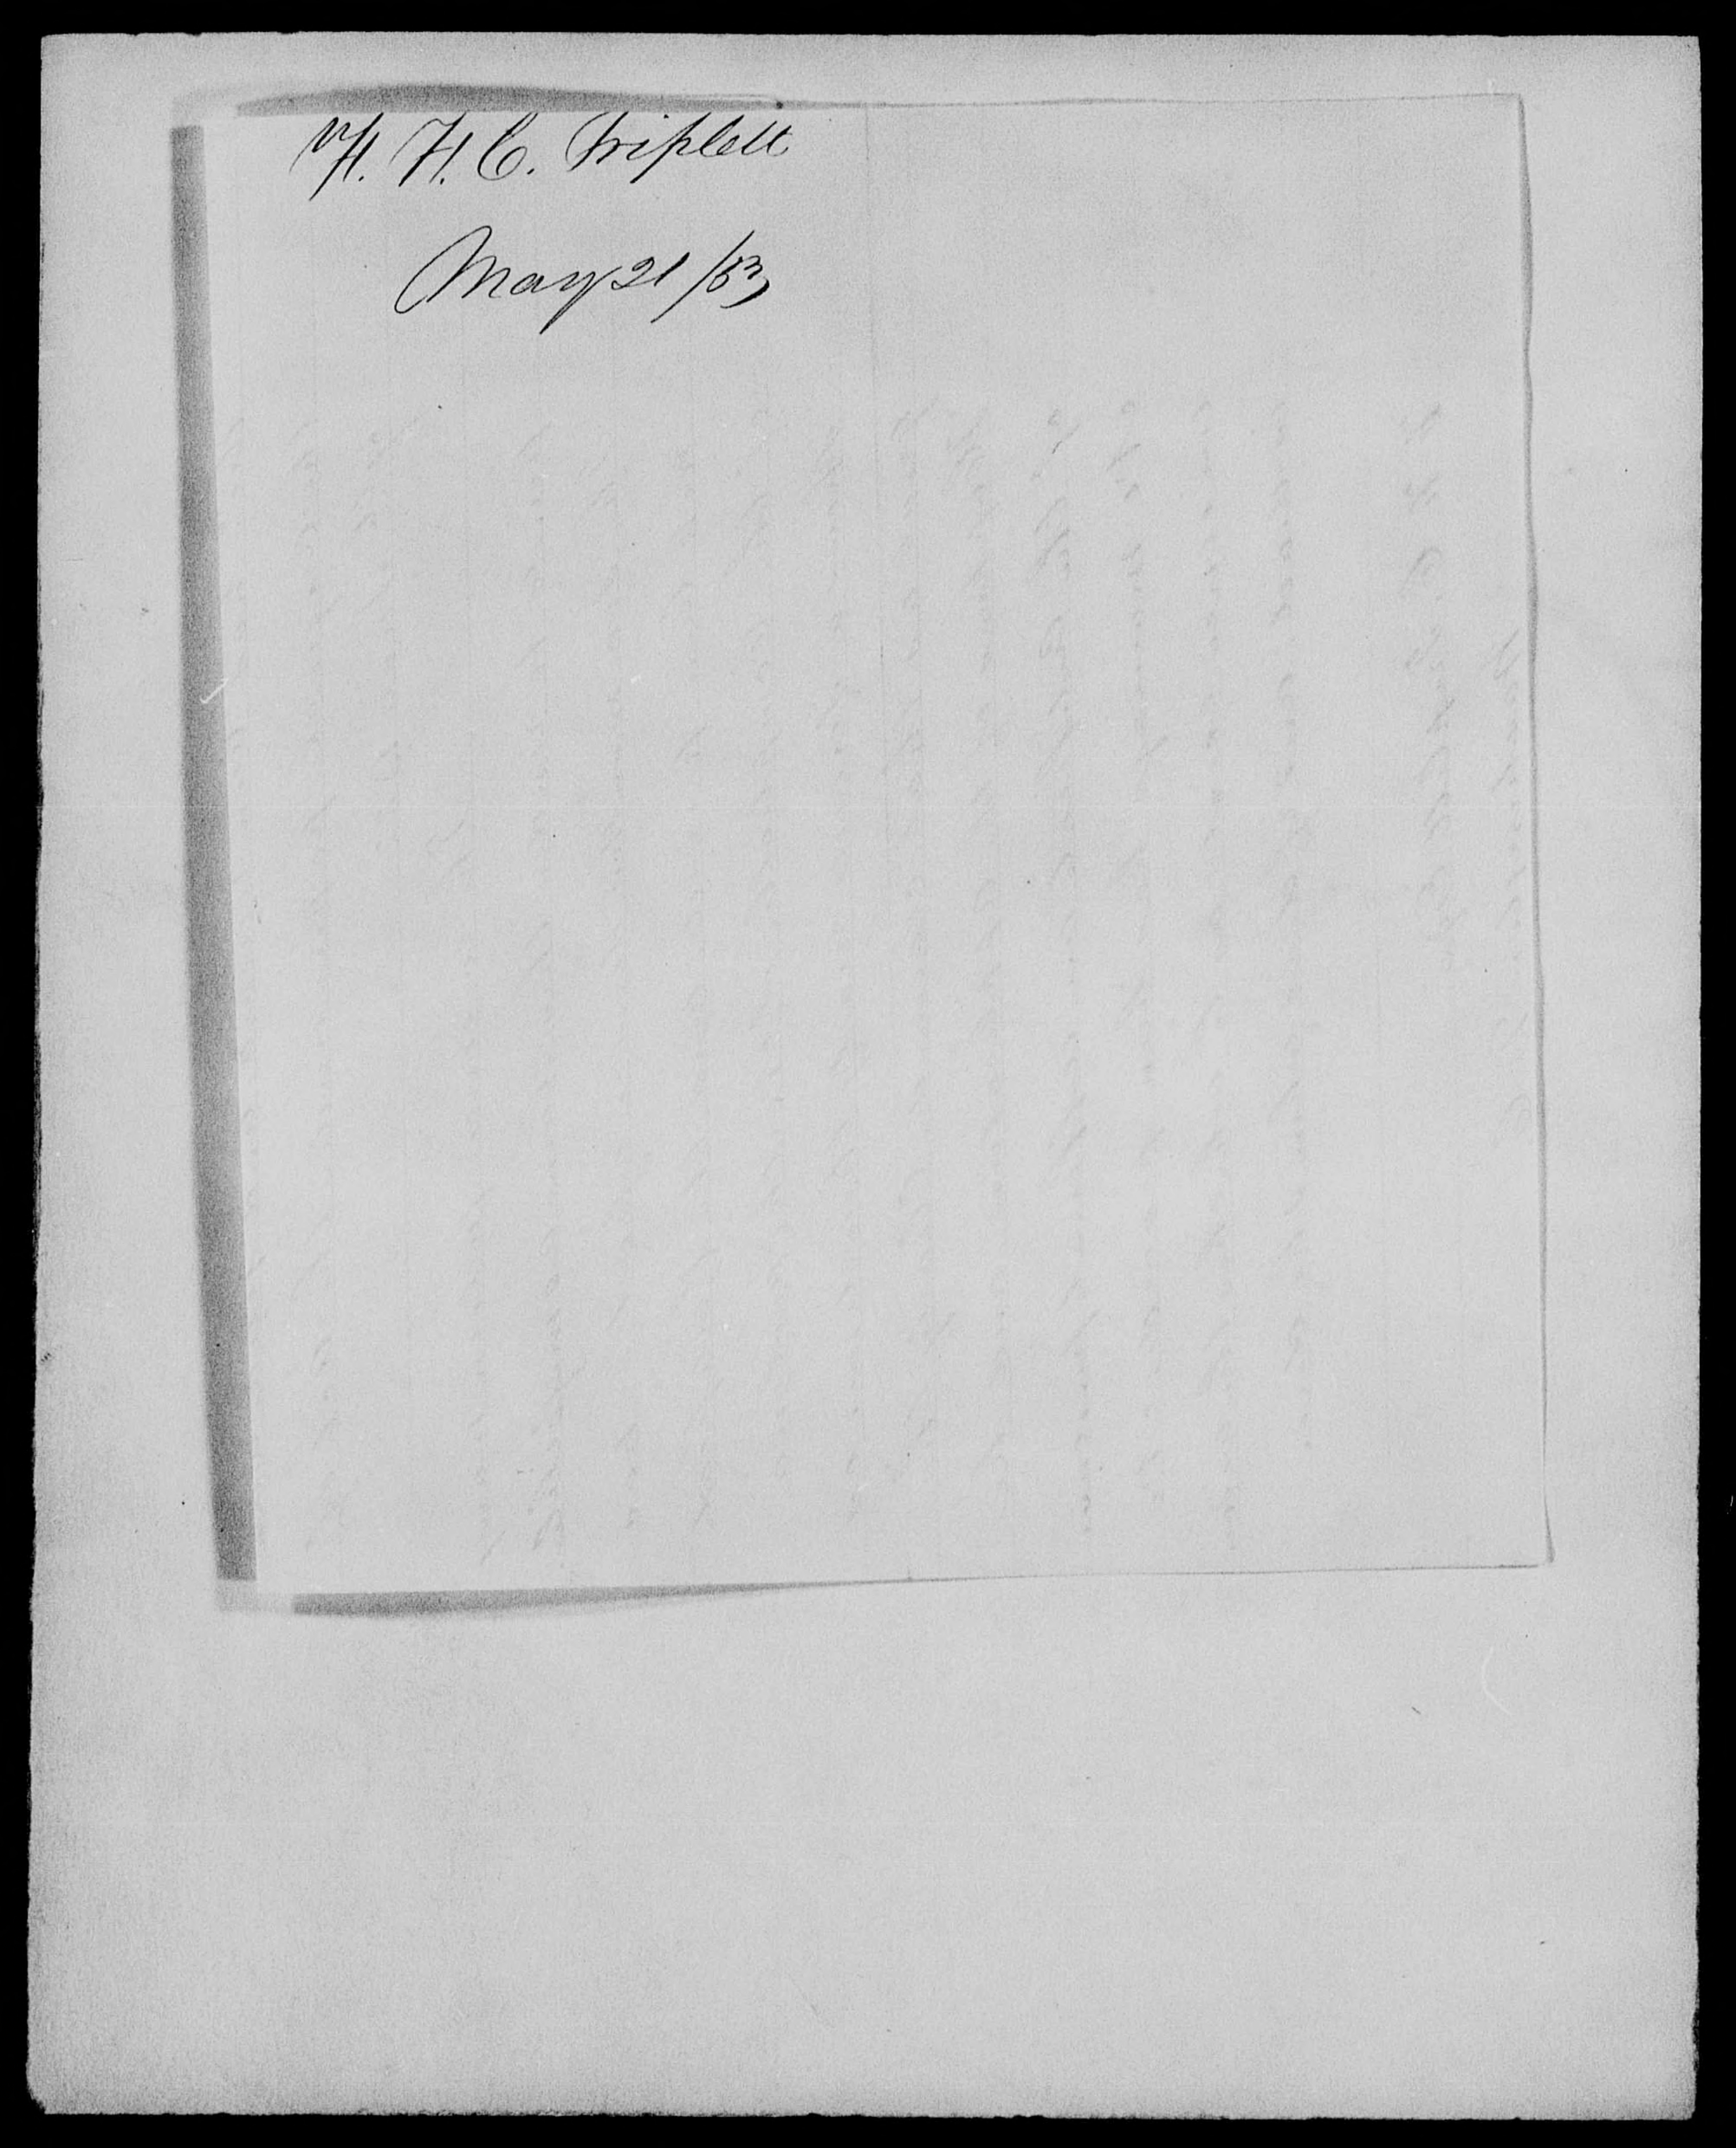Mr.F.F.C. Triplett
May 21 /53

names: F F C Triplett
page: 34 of 144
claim: rejected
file: R. 5208, Dennis Hopkins, N.C.